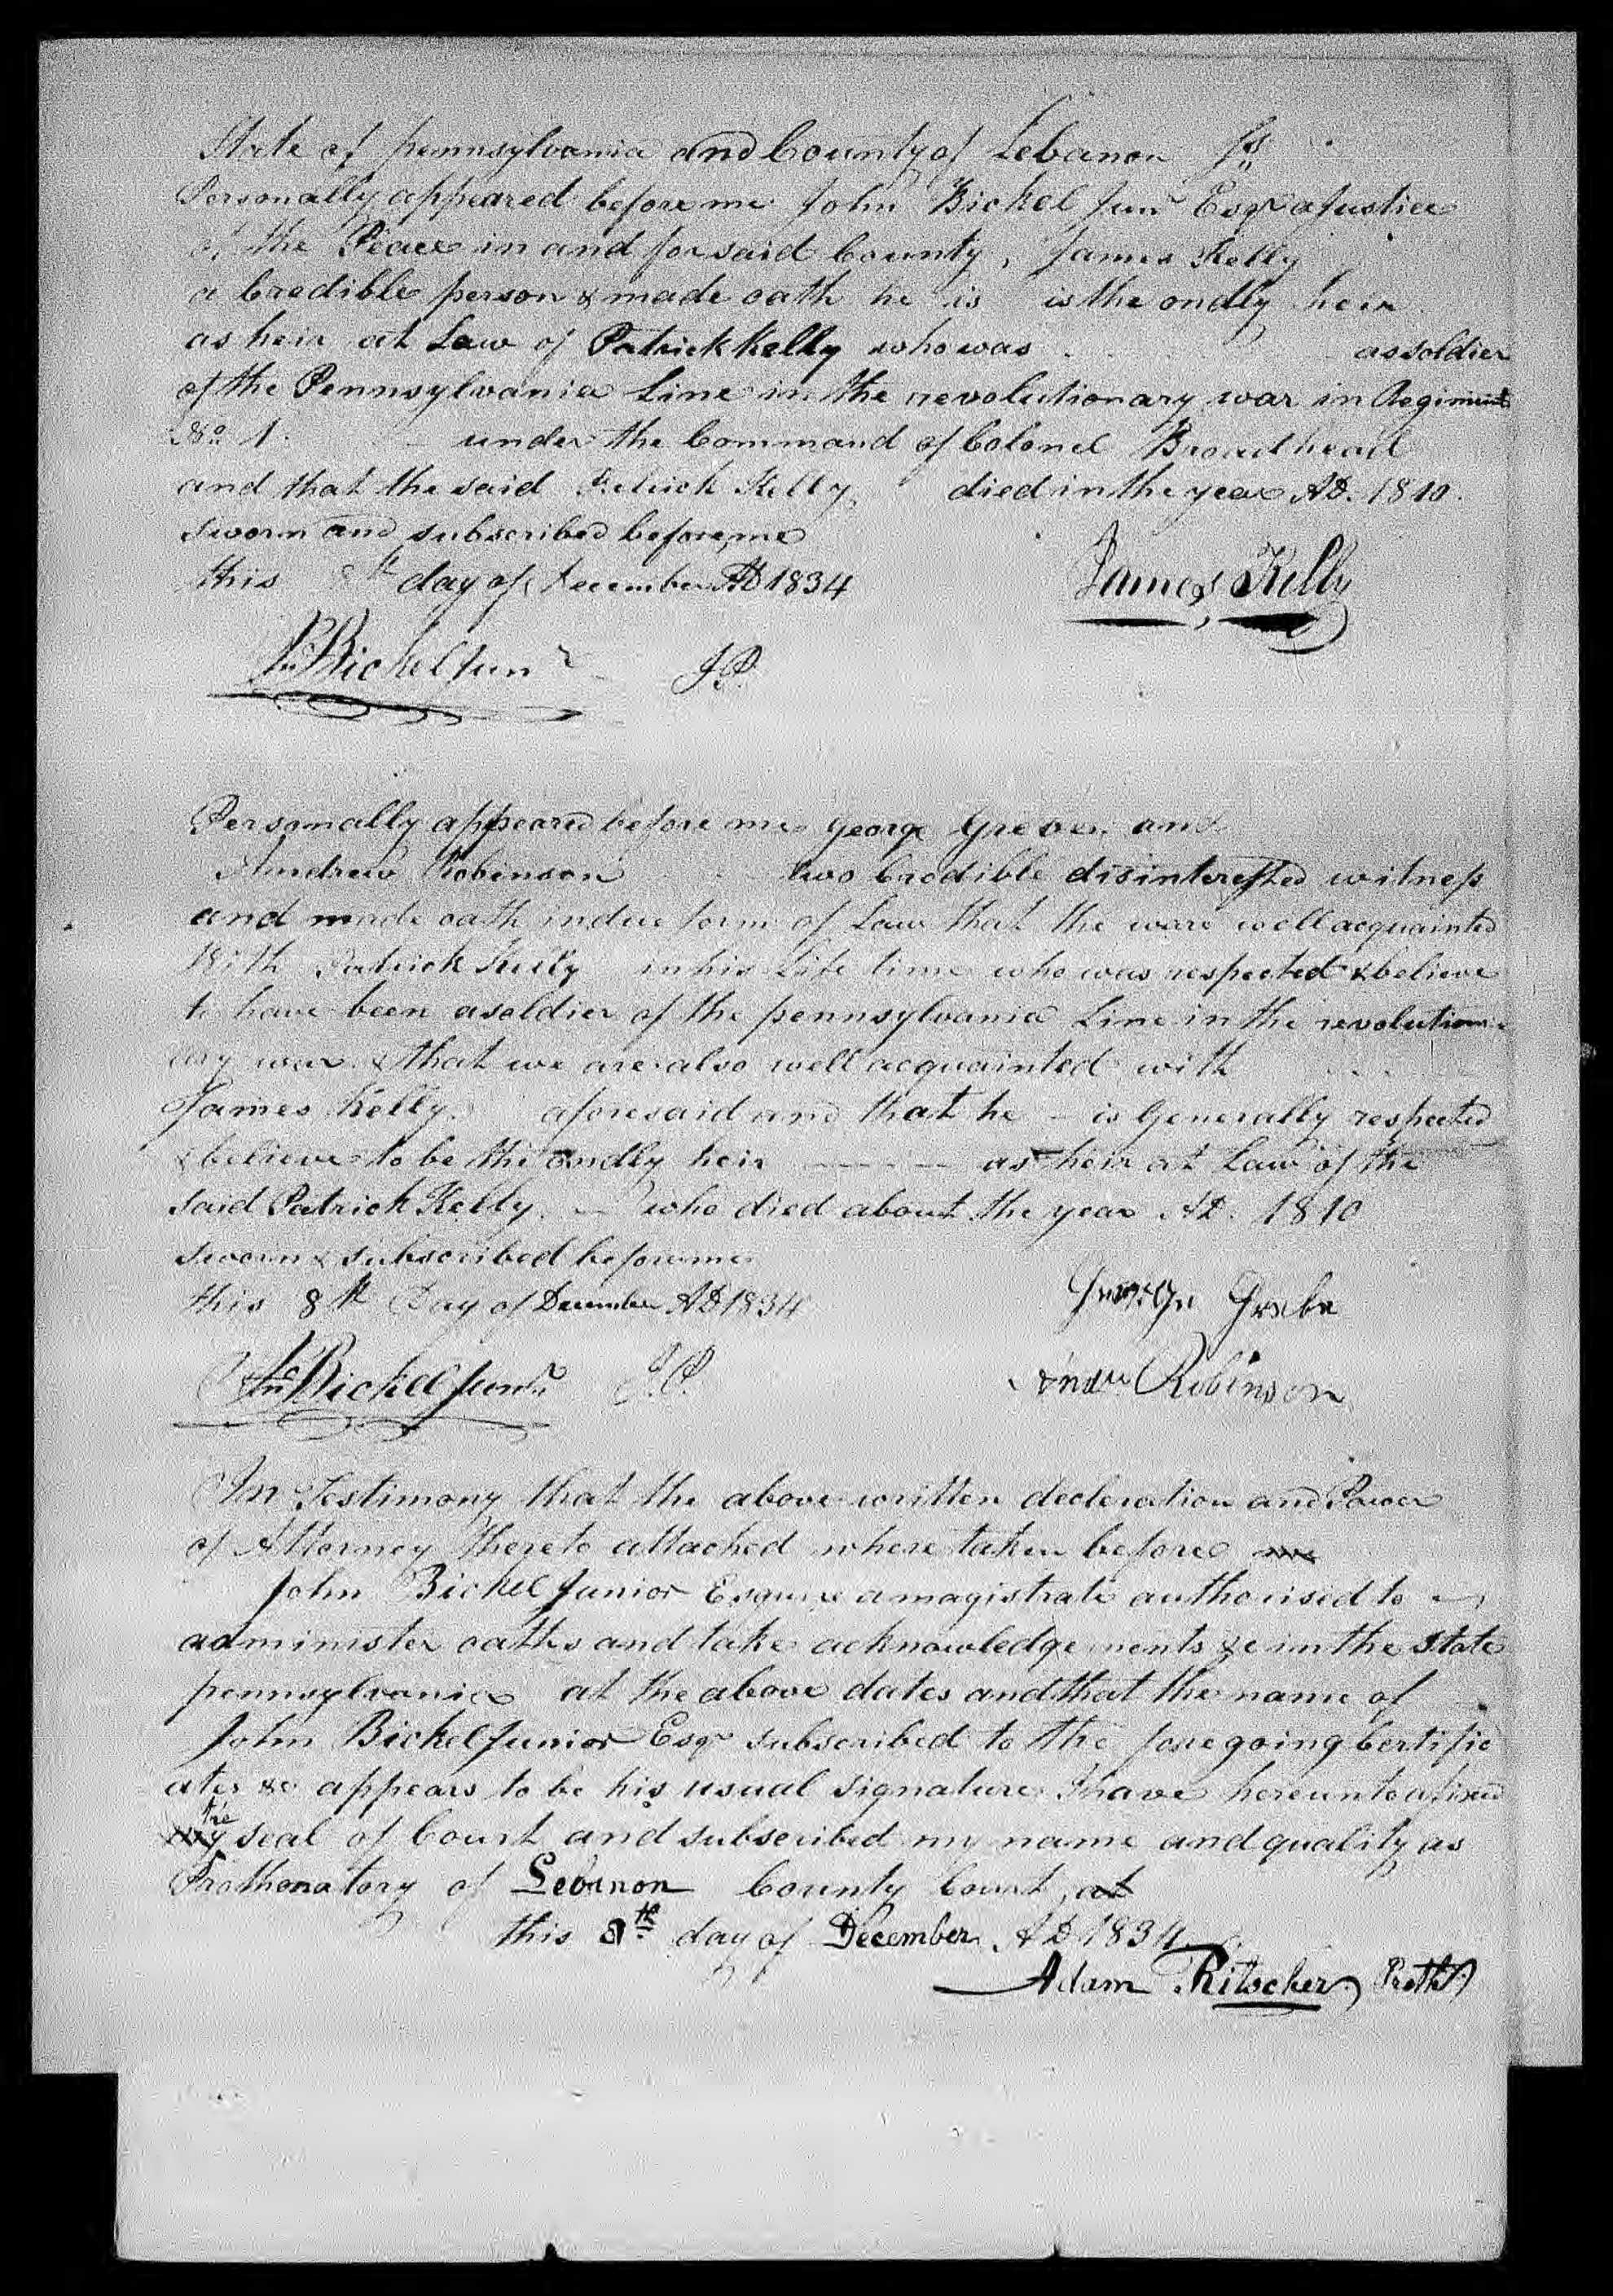State of Pennsylvania and County of Lebanon SS
Personally appeared before me John Bickel Jun Esq a Justice of the Peace in and for said County, James Kelly, a credible person & made oath.  he is the only heir as heir at Law of Patrick Kelly who was a soldier of the Pennsylvania line in the revolutionary war in Regiment No. 1 under the Command of Colonel Broadhead and that the said Patrick Kelly died in the year AD 1810.  
Sworn and subscribed before me this 8th day of December AD 1834.
                                  James Kelly

Jno Bickel Junior  JP

Personally appeared before me George Greve and Andrew Robinson, two credible disinterested witnesses and made oath under form of Law that they were well acquainted with Patrick Kelly in his life time who was respected & believed to have been a soldier of the Pennsylvania Line in the revolutionary war & that we are also well acquainted with James Kelly foresaid and that he is generally respected & believed to be the only heir as heir at Law of the said Patrick Kelly who died about the year AD 1810.
Sworn & subscribed before me this 8th day of December AD 1834
Jno Bickel Junior JP      
                    George Grebe
                    Andrew Robinson
    In Testimony that the above written declaration and Power of Attorney thereto attached where taken before me John Bickel Junior Esquire a magistrate authorised (sic) to administer oaths and take acknowledgements &c in the state Pennsylvania at the above dates and that the name of John Bickel Junior Esq. subscribed to the foregoing certificates so appears to be his usual signature.  I have hereunto affixed the seal of Court and subscribed my name and qualify as Prothonotary of Lebanon County Court this 8th day of December AD 1834.
                     Adam Ritscher Proth.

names: James Kelly; Adam Ritscher; Andrew Robinson; Patrick Kelly; George Grebe; John Bickel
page: 6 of 11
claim: bounty land warrant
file: B. L. Wt. 2110-100, for Patrick Kelly, Pennsylvania